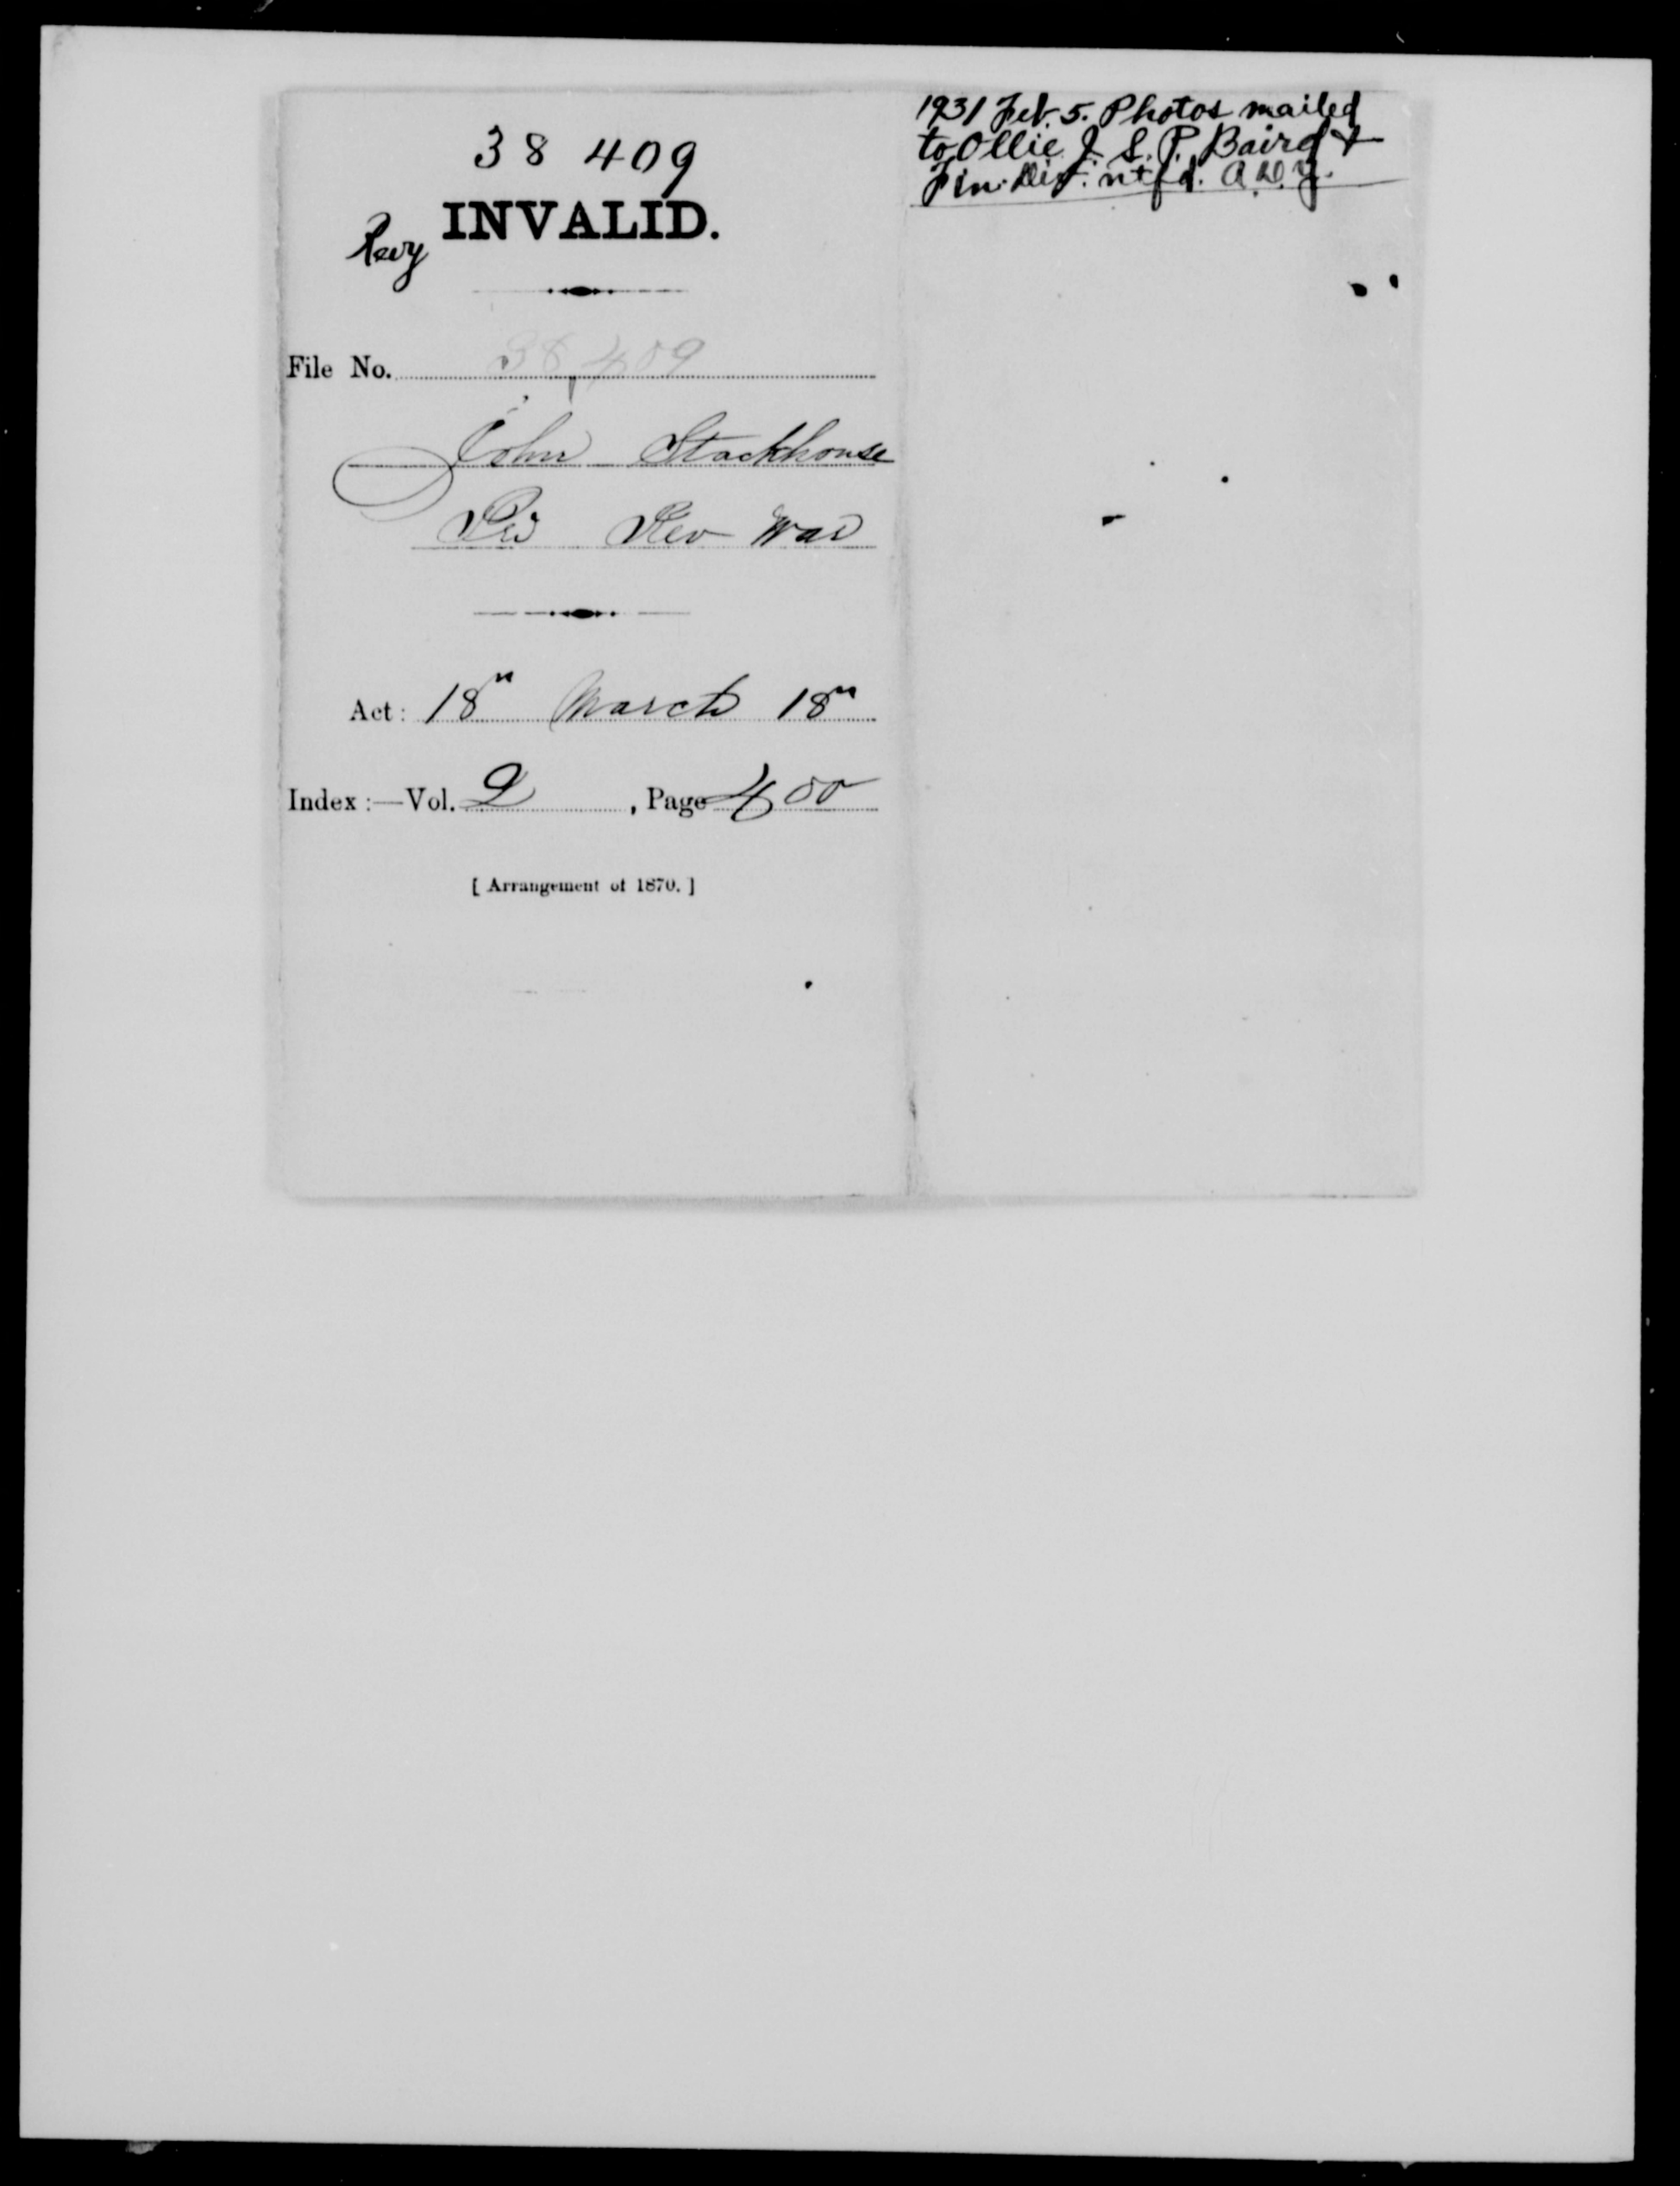38 409 1931 Feb. 5. Photos mailed
INVALID. to Ollie J. S. P. Baird &
Revy Fin. Div. ntf'd. A.D.Y.
File No. 38,409
John Stackhouse
Pri Rev War
Act: 18" March 18"
Index:-Vol. 2, Page 400
Arrangement of 1870.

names: John Stackhouse; Ollie J S P Baird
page: 17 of 19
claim: survivor's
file: S. 38,409, for John Stackhouse, Virginia